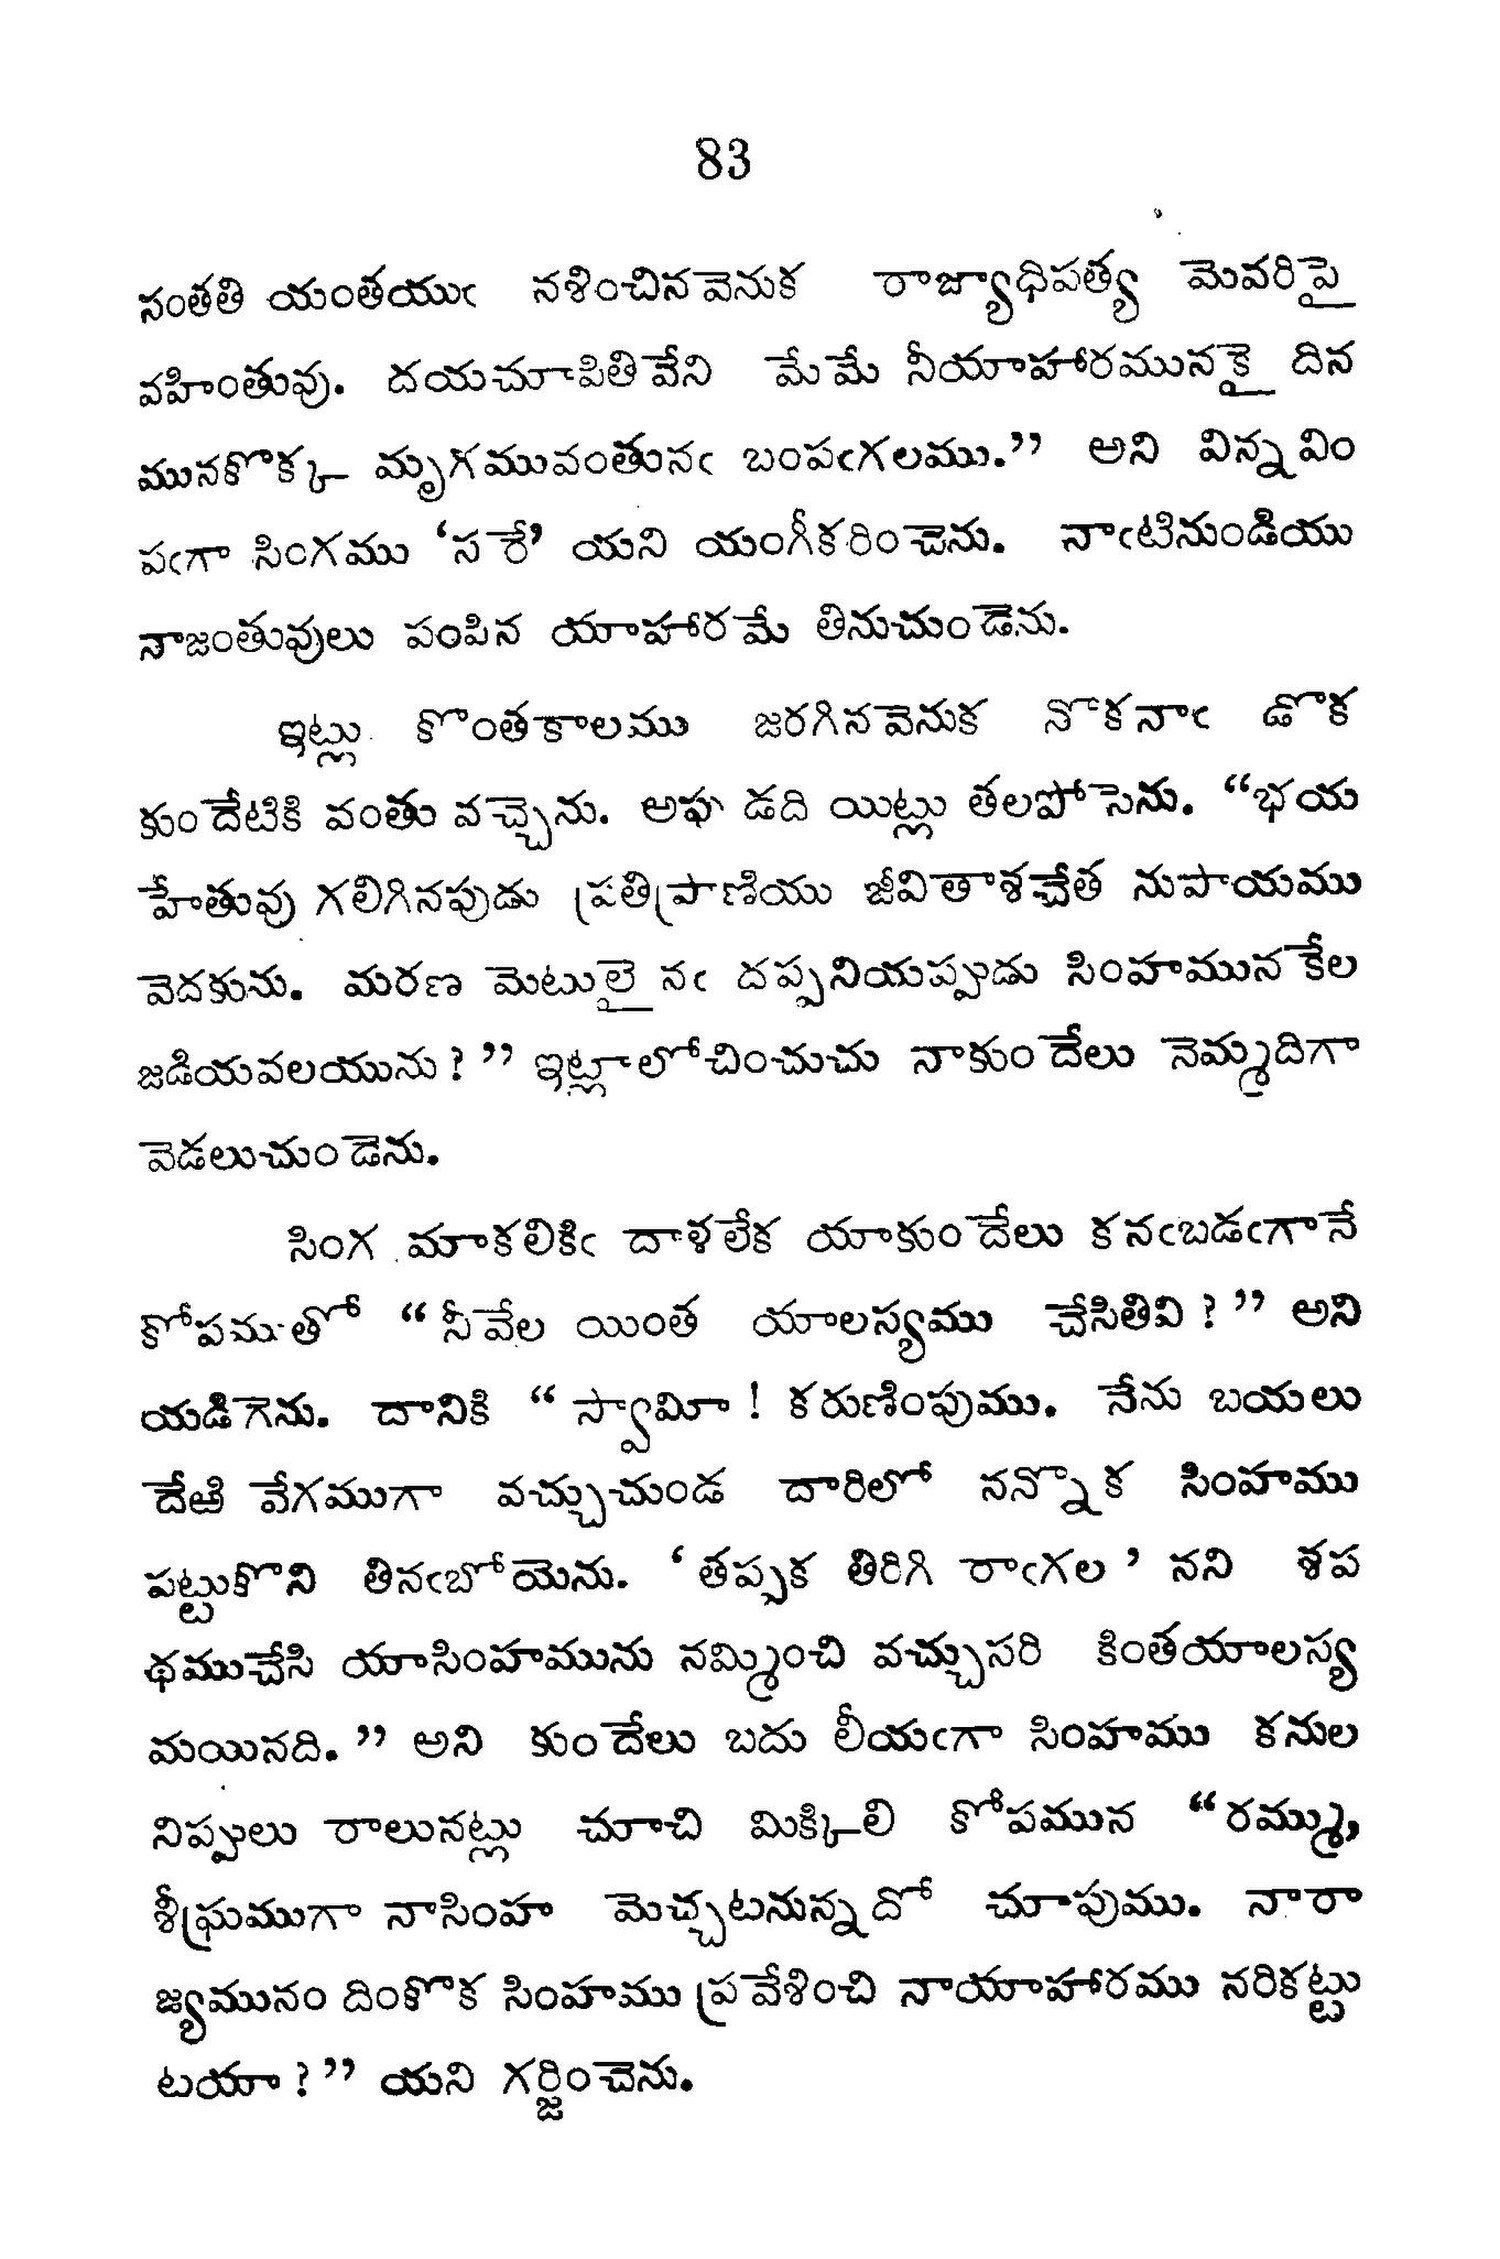సంతతి యంతయు నశించినవెనుక రాజ్యాధిపత్య మెవరిపై వహింతువు. దయచూపితివేని మేమే నీయాహారమునకై దినమునకొక్క మృగమువంతున బంపగలము." అని విన్నవింపగా సింగము 'సరే' యని యంగీకరించెను. నాటినుండియు నాజంతువులు పంపిన యాహారమే తినుచుండెను. 

ఇట్లు కొంతకాలము జరిగినవెనుక నొకనా డొక కుందేటికి వంతు వచ్చెను. అపు డది యిట్లు తలపోసెను. "భయ హేతువు గలిగినపుడు ప్రతిప్రాణియు జీవితాశచేత నుపాయము వెదకును. మరణ మెటులైన దప్పనియప్పుడు సింహమునకేల జడియవలయును?" ఇట్లాలోచించుచు నాకుందేలు నెమ్మదిగా వెడలుచుండెను.

సింగ మాకలికి దాళలేక యాకుందేలు కనబడగానే కోపముతో "నీవేల యింత యాలస్యము చేసితివి?" అని యడిగెను. "దానికి స్వామీ! కరుణింపుము. నేను బయలు దేఱి వేగముగా వచ్చుచుండ దారిలో నన్నొక సింహము పట్టుకొని తినబోయెను. 'తప్పక తిరిగి రాగల' నని శపథముచేసి యాసింహమును నమ్మించి వచ్చుసరి కింతయాలస్యమయినది." అని కుందేలు బదు లీయగా సింహము కనుల నిప్పులు రాలునట్లు చూచి మిక్కిలి కోపమున "రమ్ము శీఘ్రముగా నాసింహ మెచ్చటనున్నదో చూపుము. నారాజ్యమునం దింకొక సింహము ప్రవేశించి నాయాహారము నరికట్టుటయా?" యని గర్జించెను.